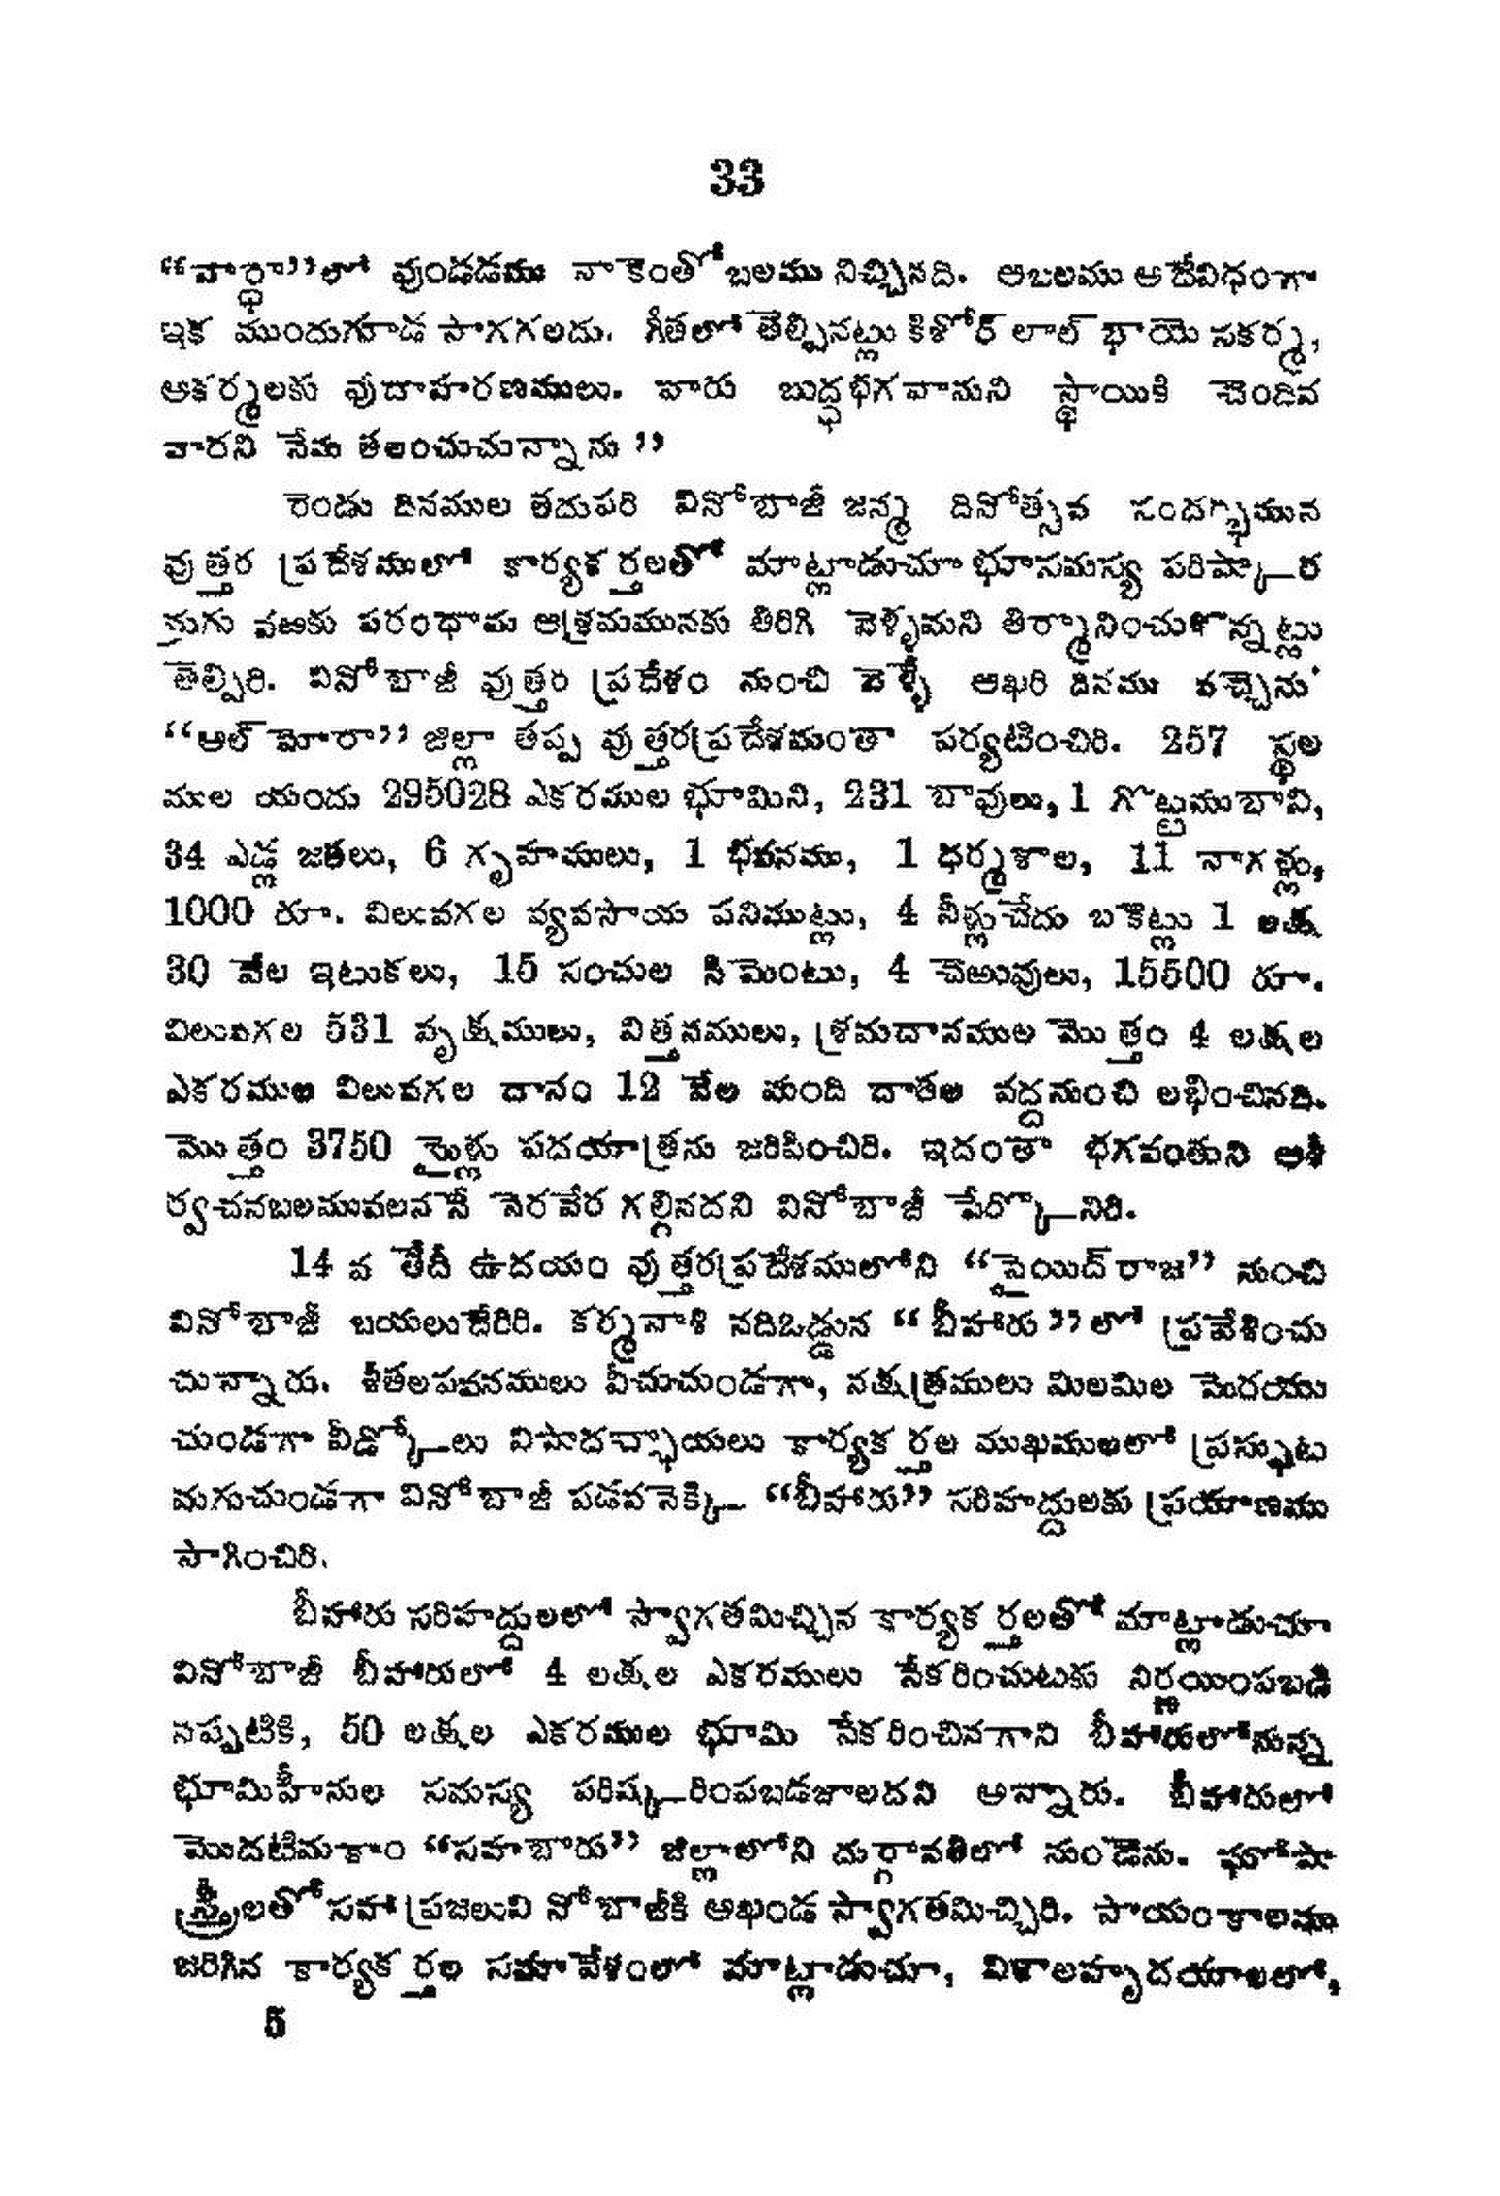"వార్ధా"లో వుండడము నాకెంతో బలము నిచ్చినది. అబలము అదేవిధంగా ఇక ముందుగూడ సాగగలదు. గీతలోతేల్పినట్లు కిశోర్ లాల్ భాయె సకర్మ, ఆకర్శలకు వుదాహరణములు. వారు బుద్ధభగవానుని స్థాయికి చెందిన వారని నేను తలంచుచున్నాను

రెండు దినముల తదుపరి వినోబాజీ జన్మ దినోత్సవ సందర్భమున వుత్తర ప్రదేశములో కార్యకర్తలతో మాట్లాడుచూ భూసమస్య పరిష్కారమగు వఱకు పరంధామ ఆశ్రమమునకు తిరిగి వెళ్ళమని తిర్మానించుకొన్నట్లు తెల్పిరి. వినోబాజీ వుత్తర ప్రదేశం నుంచి వెళ్ళే ఆఖరి దినము వచ్చెను' "ఆల్ మోరా" జిల్లా తప్ప వుత్తరప్రదేశమంతా పర్యటించిరి. 257 స్థలముల యందు 295028 ఎకరముల భూమిని, 231 బావులు, 1 గొట్టముబావి, 34 ఎడ్ల జతలు, 6 గృహములు, 1 భవనము, 1 ధర్మశాల, 11 నాగళ్లు, 1000 రూ. విలువగల వ్యవసాయ పనిముట్లు, 4 నీళ్లు చేదు బకెట్లు 1 లక్ష 30 వేల ఇటుకలు, 15 సంచుల సిమెంటు, 4 చెఱువులు, 15500 రూ, విలువగల 531 వృక్షములు, విత్తనములు, శ్రమదానముల మొత్తం 4 లక్షల ఎకరముల విలువగల దానం 12 వేల మంది దాతల వద్ద నుంచి లభించినది. మొత్తం 3750 మైళ్లు పదయాత్రను జరిపించిరి. ఇదంతా భగవంతుని ఆశీర్వచనబలమువలననే నెరవేర గల్గినదని వినోబాజీ పేర్కొనిరి.

14 వ తేదీ ఉదయం వుత్తరప్రదేశములోని "పైయిద్ రాజ" నుంచి వినోబాజీ బయలుదేరిరి. కర్మనాశి నదిఒడ్డున "బీహారు" లో ప్రవేశించుచున్నారు. శీతలపవనములు వీచుచుండగా, నక్షత్రములు మిలమిల మెరయు చుండగా వీడ్కోలు విషాదచ్ఛాయలు కార్యకర్తల ముఖములలో ప్రస్పుటమగుచుండగా వినోబాజీ పడవనెక్కి "బీహారు" సరిహద్దులకు ప్రయాణము సాగించిరి,

బీహారు సరిహద్దులలో స్వాగతమిచ్చిన కార్యకర్తలతో మాట్లాడుచూ వినోబాజీ బీహారులో 4 లక్షల ఎకరములు సేకరించుటకు నిర్ణయింపబడినప్పటికి, 50 లక్షల ఎకరముల భూమి సేకరించినగాని బీహారులోనున్న భూమిహీనుల సమస్య పరిష్కరింపబడజాలదని అన్నారు. బీహారులో
మొదటిమకాం “సహబారు" జిల్లాలోని దుర్గావతిలో నుండెను. ఘోషా స్త్రీలతోసహా ప్రజలు వినోబాజీకి అఖండ స్వాగతమిచ్చిరి. సాయంకాలము జరిగిన కార్యకర్తల సమావేశంలో మాట్లాడుచూ, విశాలహృదయాలలో,